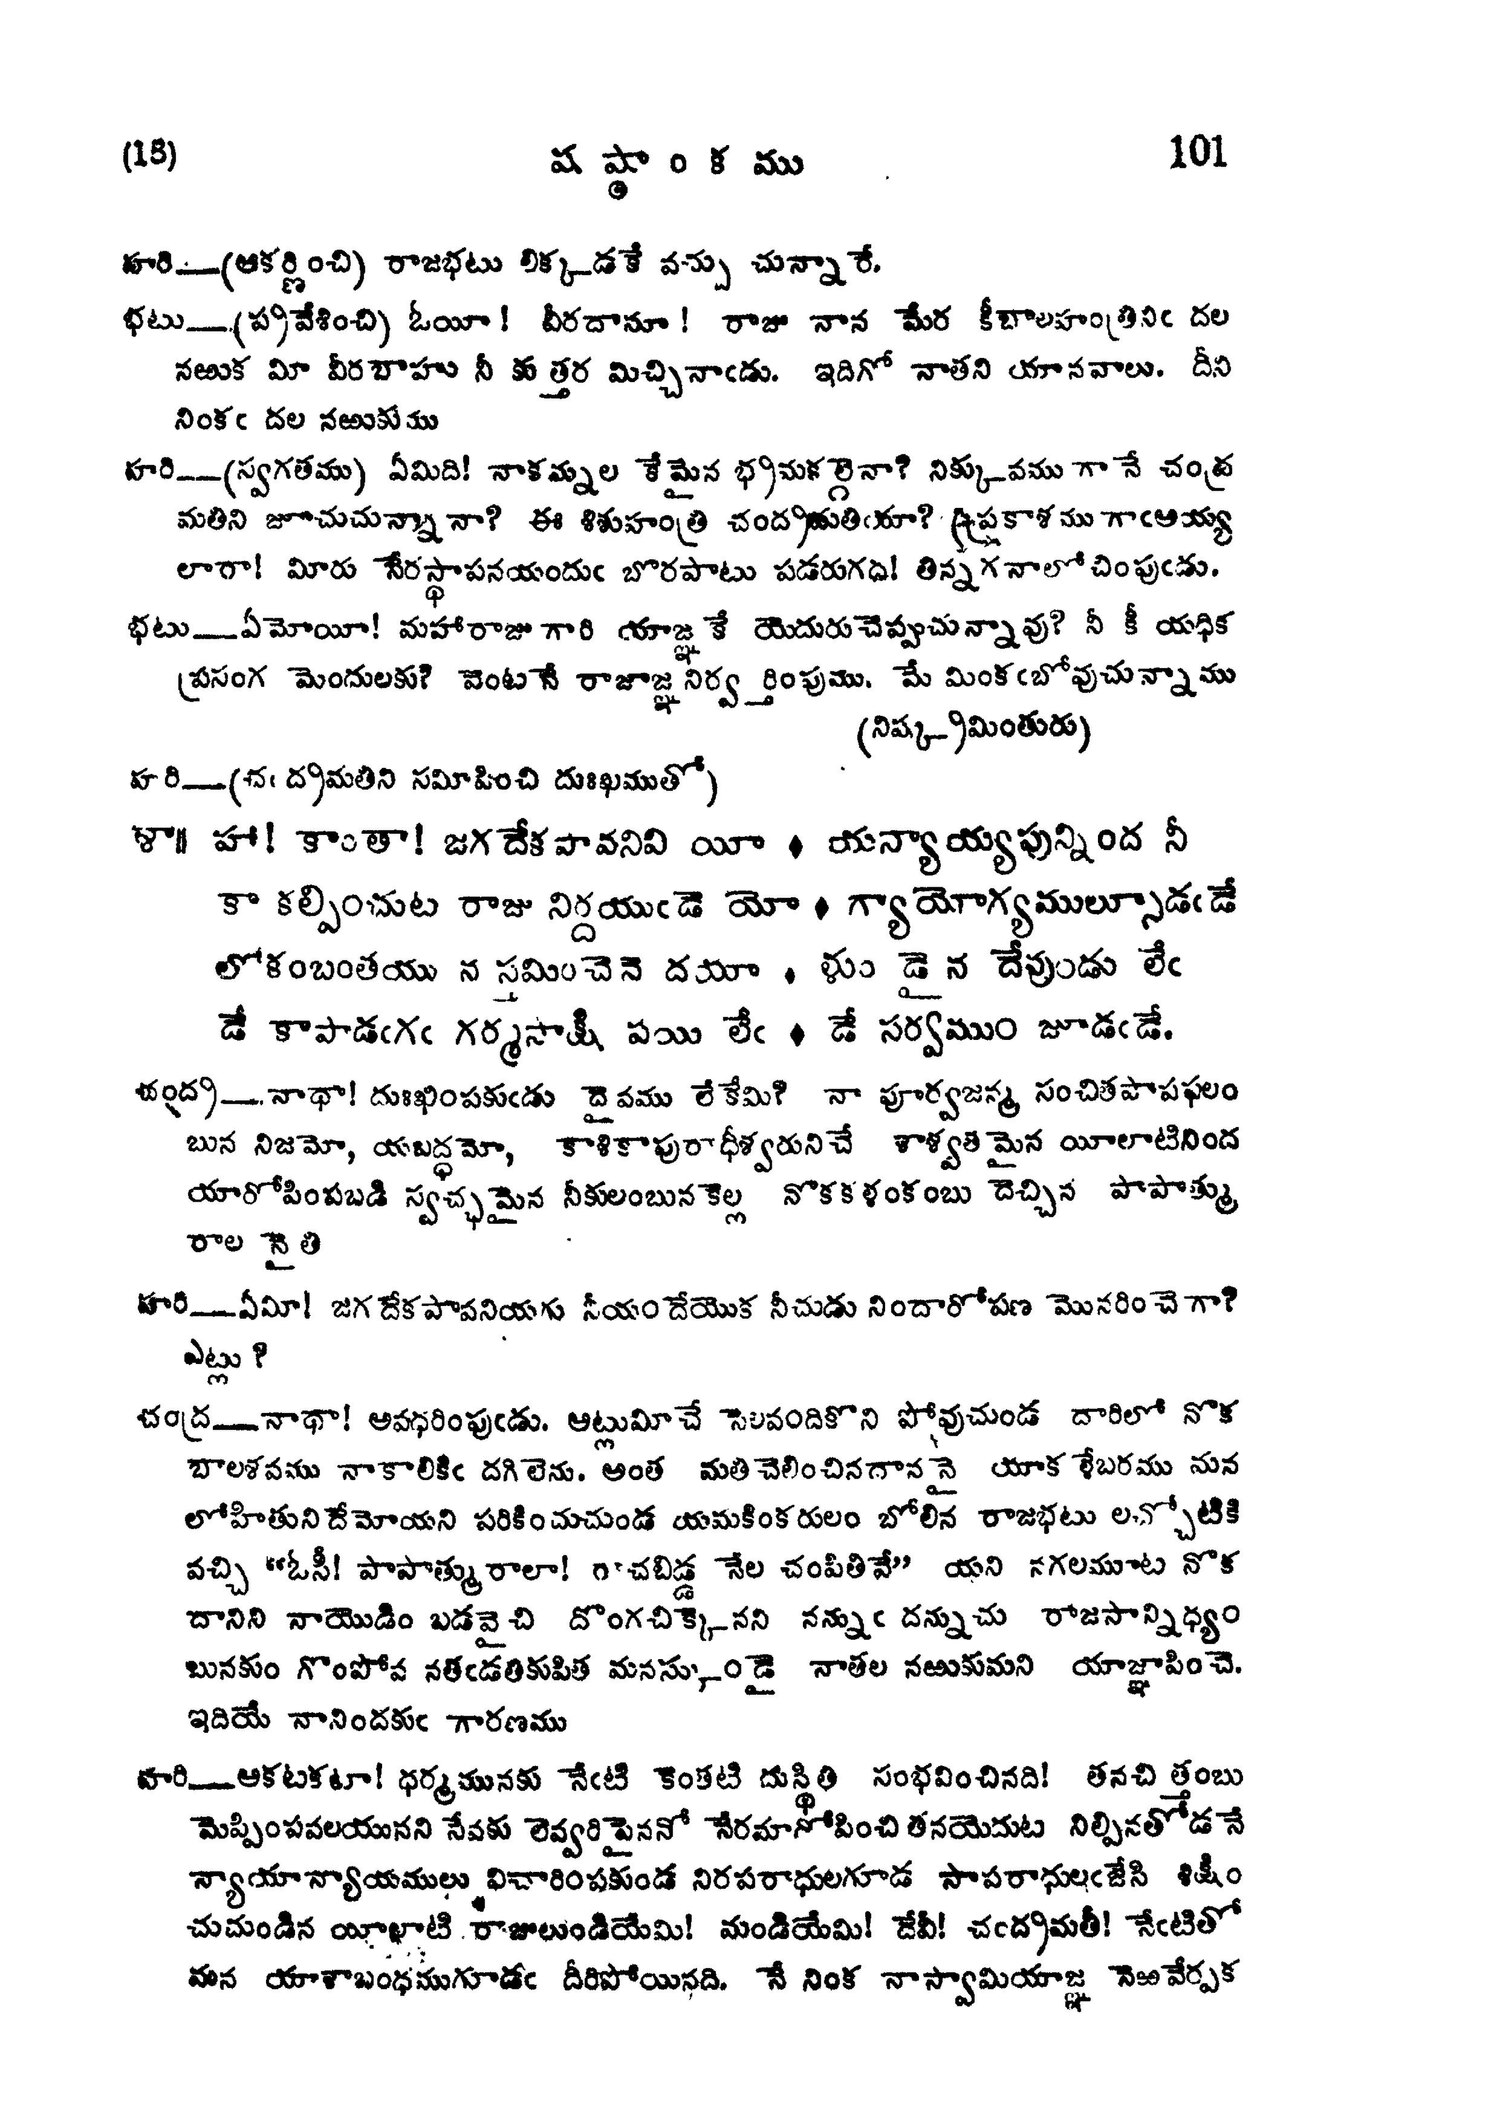హరి - 	(ఆకర్ణించి) రాజభటులిక్కడికే వచ్చుచున్నారే!

భటు - 	(ప్రవేశించి) ఓయీ, వీరదాస! రాజు నాన మేరకీ బాల హంత్రిని దలనఱక మీ వీరబాహు నీ కుత్తర మిచ్చినాడు. ఇదిగో నాతని యానవాలు. దీని నింక దల నఱకుము.

హరి - 	(స్వగతము) ఏమిది? నా కన్నుల కేమైన భ్రమ కల్గెనా? నిక్కువముగానే చంద్రమతిని జూచు చున్నానా? ఈ శిశుహంత్రి చంద్రమతియా? (ప్రకాశముగా) అయ్యలారా! మీరు నేరస్థాపనయందుఁ బొరపాటు పడలేదు గద? తిన్నగ నాలోచింపుడు.

భటు - 	ఏమోయీ! మహారాజుగారి యాజ్ఞకే యెదురు చెప్పుచున్నావు? నీకీ యధిక ప్రసంగ మెందులకు? వెంటనే రాజాజ్ఞ నిర్వర్తించుము. మేఁమిఁక బోవుచున్నాము.

(నిష్క్రమింతురు)

హరి - 	(చంద్రమతిని సమీపించి దుఃఖముతో)

శా. హా కాంతా! జగదేక పావనివి యీ యన్యాయపు న్నిందనీ
కా కల్పించుట? రాజు నిర్దయుడె యోగ్యాయోగ్యముల్సూడఁడే?
లోకంబంతయు నస్తమించెనె? దయా ళుండైన దేవుండు లేఁ
డే కాపాడఁగ? గర్మసాక్షి పయిలేడే సర్వముం జూడఁడే?

చంద్ర - 	నాథా! దుఃఖింపకుఁడు. దైవము లేకేమి? పూర్వజన్మ సంచిత పాపఫలంబున నిజమో యబద్ధమో కాశీపురాధీశ్వరునిచే శాశ్వతమైన యీలాటి నింద యారోపింపబడి స్వచ్ఛమైన నీ కులంబున కెల్ల నొక కళంకంబు దెచ్చిన పాపాత్మురాలనైతి.

హరి - 	ఏమీ! జగదేకపావని వగు నీ యందే యొక నీచుఁడు నిందారోపణ మొనరించెనా? ఎట్లు?

చంద్ర - 	నాథా! అవధరింపుము. అట్లు మీచే సెలవందికొని పోవుచుండగా వొక బాలశవము నా కాలికి దగిలెను. అంత మతి చలించిన దానినై యా కళేబరము మన లోహితునదేమో నని పరీక్షించుచుండ యమకింకరులంబోలిన రాజభటుల చ్చోటికి వచ్చి "ఓసి పాపాత్మురాలా! రాచబిడ్డనేల చంపితి" వని నగలమూట నొకదానిని నాయొడిం బడవైచి దొంగచిక్కెనని నన్ను దన్నుచు రాజసాన్నిధ్యంబునకుం గొంపోవ నతం డతికుపిత మనస్కుండై నా తల నఱుకుమని యాజ్ఞాపించె, ఇదియే నా నిందకుఁ గారణము.

హరి - 	అకటకటా! ధర్మమున నేఁటికెంతటి దుస్థితి సంభవించినది. తన చిత్తంబు మెప్పింపవలయునని సేవకు లెవ్వరి పైననో నేరమారోపించి తన యెదుట నిల్పినతోడనే న్యాయాన్యాయములు విచారింపకుండ నిరపరాధులఁ గూడ సాపరాధులఁ జేసి, శిక్షించుచుండిన యీలాటి రాజులుండిన నేమి? మండిన నేమి? దేవీ, చంద్రమతీ! నేఁటితో మన యాశాబంధము గూడ దీరిపోయినది. నేనింక నా స్వామి యాజ్ఞ నెఱవేర్పక